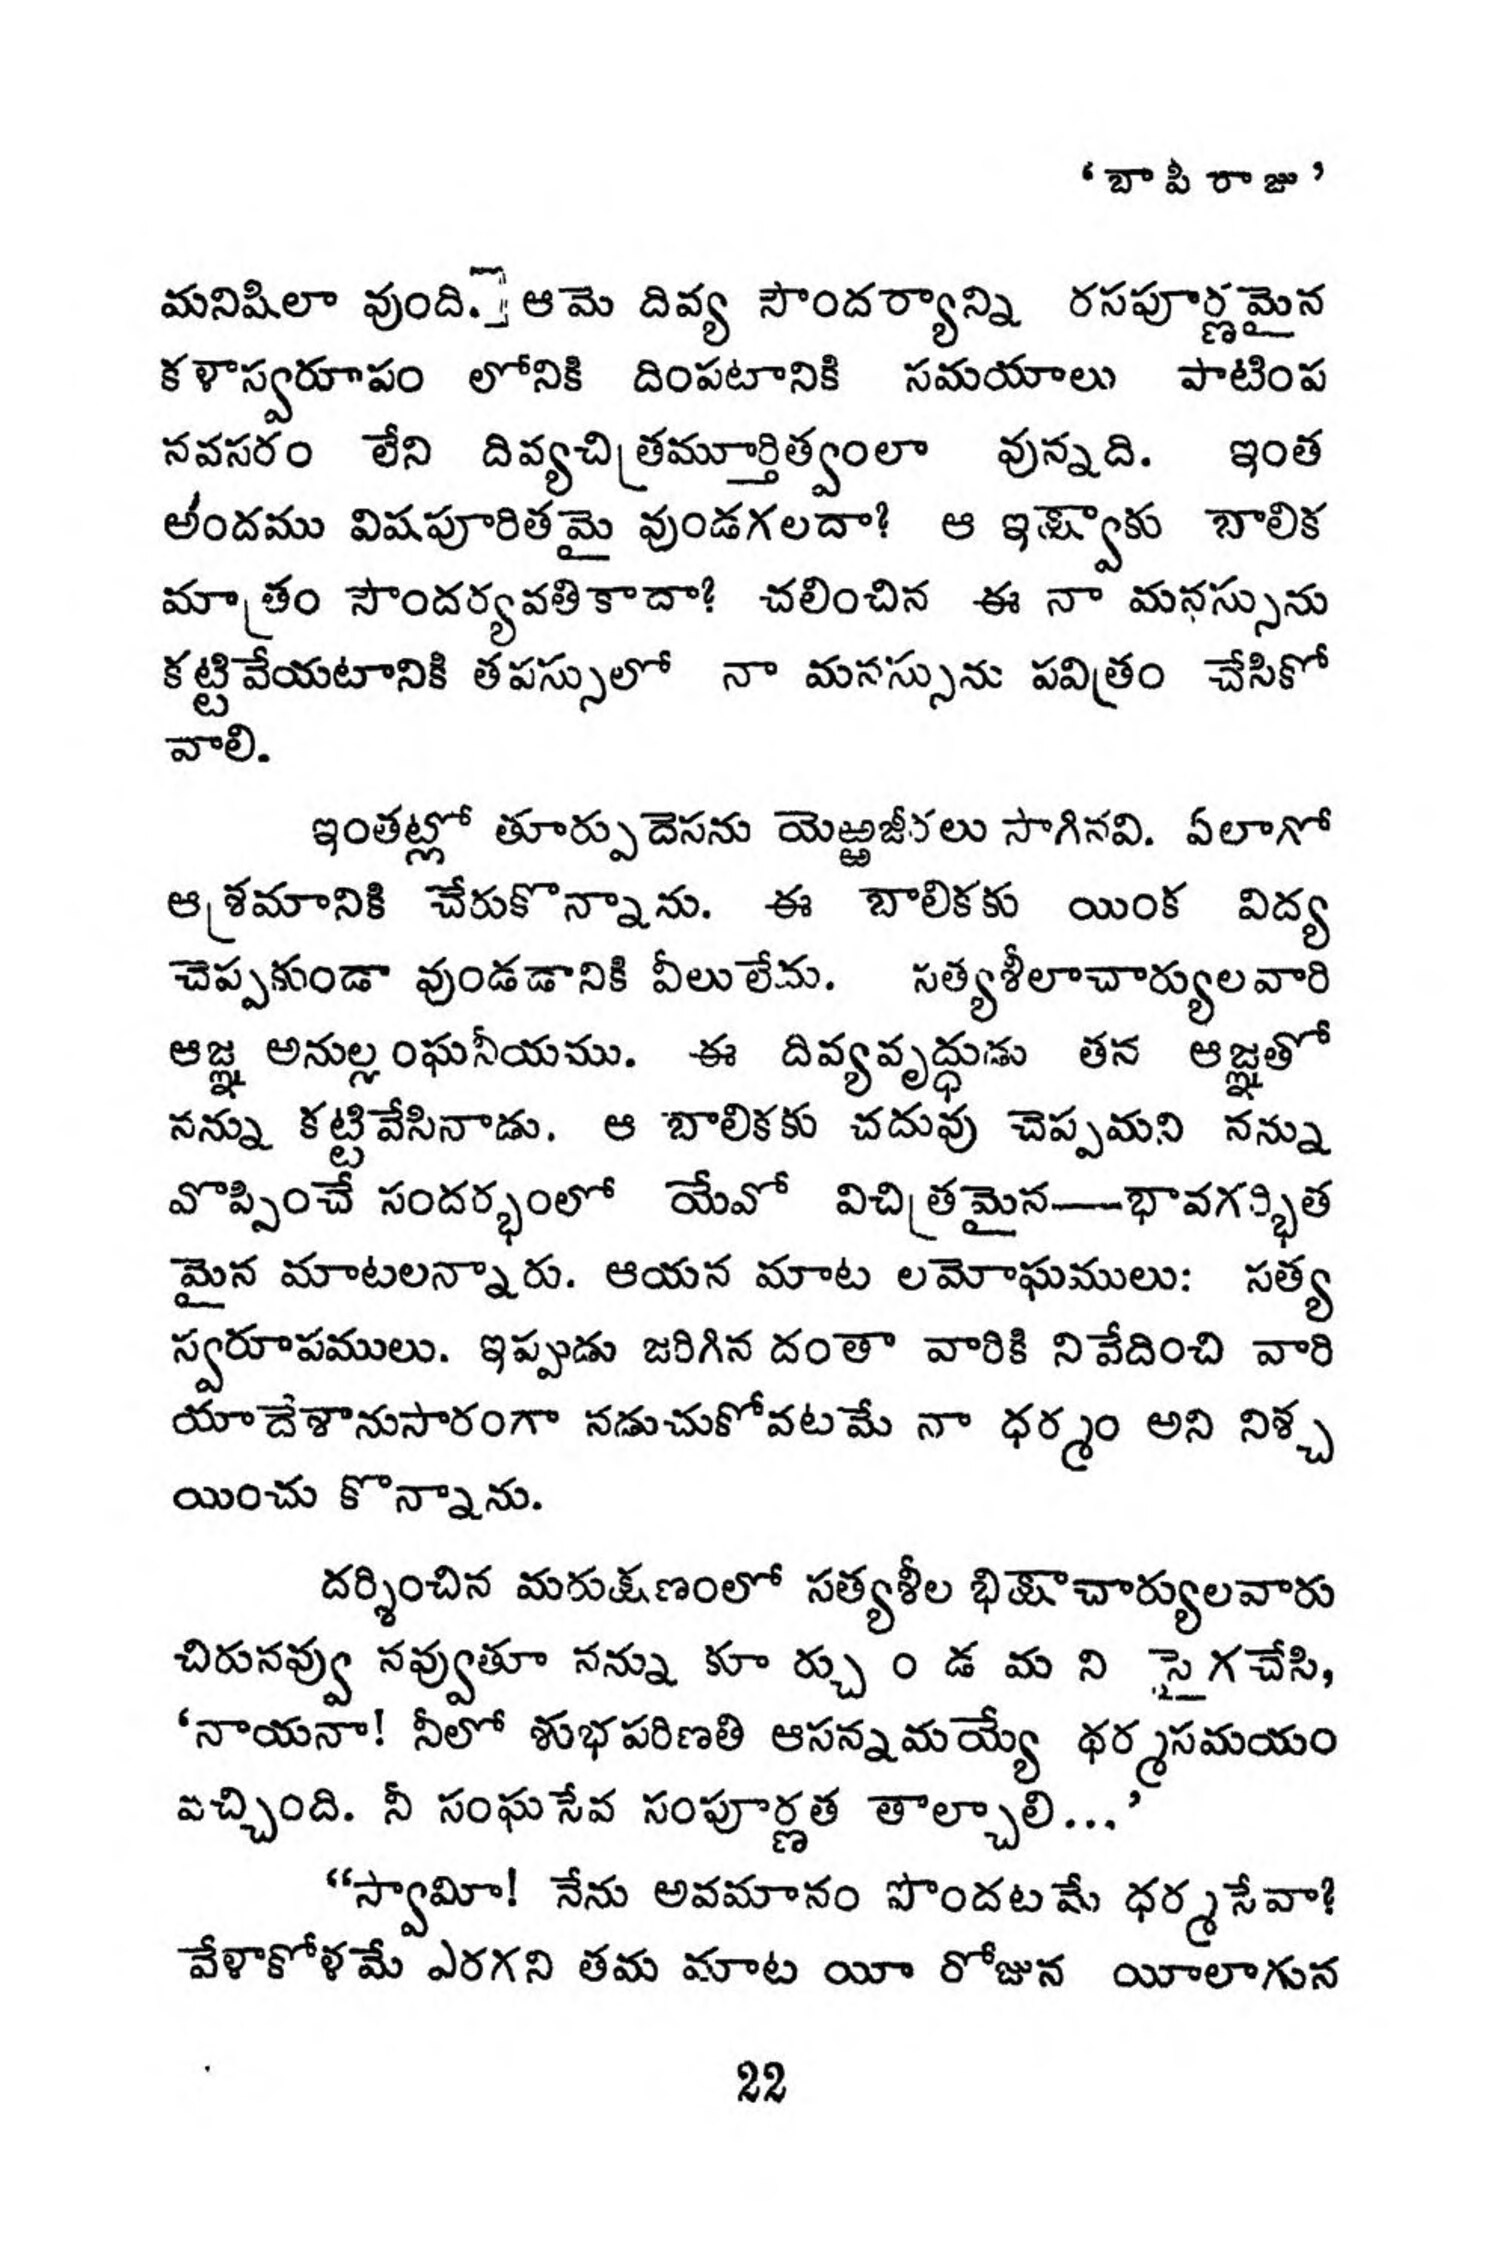మనిషిలా వుంది. ఆమె దివ్య సౌందర్యాన్ని రసపూర్ణమైన కళాస్వరూపం లోనికి దింపటానికి సమయాలు పాటింప నవసరం లేని దివ్యచిత్రమూర్తిత్వంలా వున్నది. ఇంత అందము విషపూరితమై వుండగలదా? ఆ ఇక్ష్వాకు బాలిక మాత్రం సౌందర్యవతికాదా? చలించిన ఈ నా మనస్సును కట్టివేయటానికి తపస్సులో నా మనస్సును పవిత్రం చేసికోవాలి.

ఇంతట్లో తూర్పుదెసను యెఱ్ఱజీరలు సాగినవి. ఏలాగో ఆశ్రమానికి చేరుకొన్నాను. ఈ బాలికకు యింక విద్య చెప్పకుండా వుండడానికి వీలులేదు. సత్యశీలాచార్యులవారి ఆజ్ఞ అనుల్లంఘనీయము. ఈ దివ్యవృద్ధుడు తన ఆజ్ఞతో నన్ను కట్టివేసినాడు. ఆ బాలికకు చదువు చెప్పమని నన్ను వొప్పించే సందర్భంలో యేవో విచిత్రమైన - భావగర్భితమైన మాటలన్నారు. ఆయన మాట లమోఘములు: సత్య స్వరూపములు. ఇప్పుడు జరిగినదంతా వారికి నివేదించి వారి యాదేశానుసారంగా నడుచుకోవటమే నా ధర్మం అని నిశ్చయించు కొన్నాను.

దర్శించిన మరుక్షణంలో సత్యశీల భిక్షాచార్యులవారు చిరునవ్వు నవ్వుతూ నన్ను కూర్చుండమని సైగచేసి, ‘నాయనా! నీలో శుభపరిణతి ఆసన్నమయ్యే ధర్మసమయం వచ్చింది. నీ సంఘసేవ సంపూర్ణత తాల్చాలి...’

“స్వామీ! నేను అవమానం పొందటమే ధర్మసేవా? వేళాకోళమే ఎరగని తమ మాట యీ రోజున యీలాగున